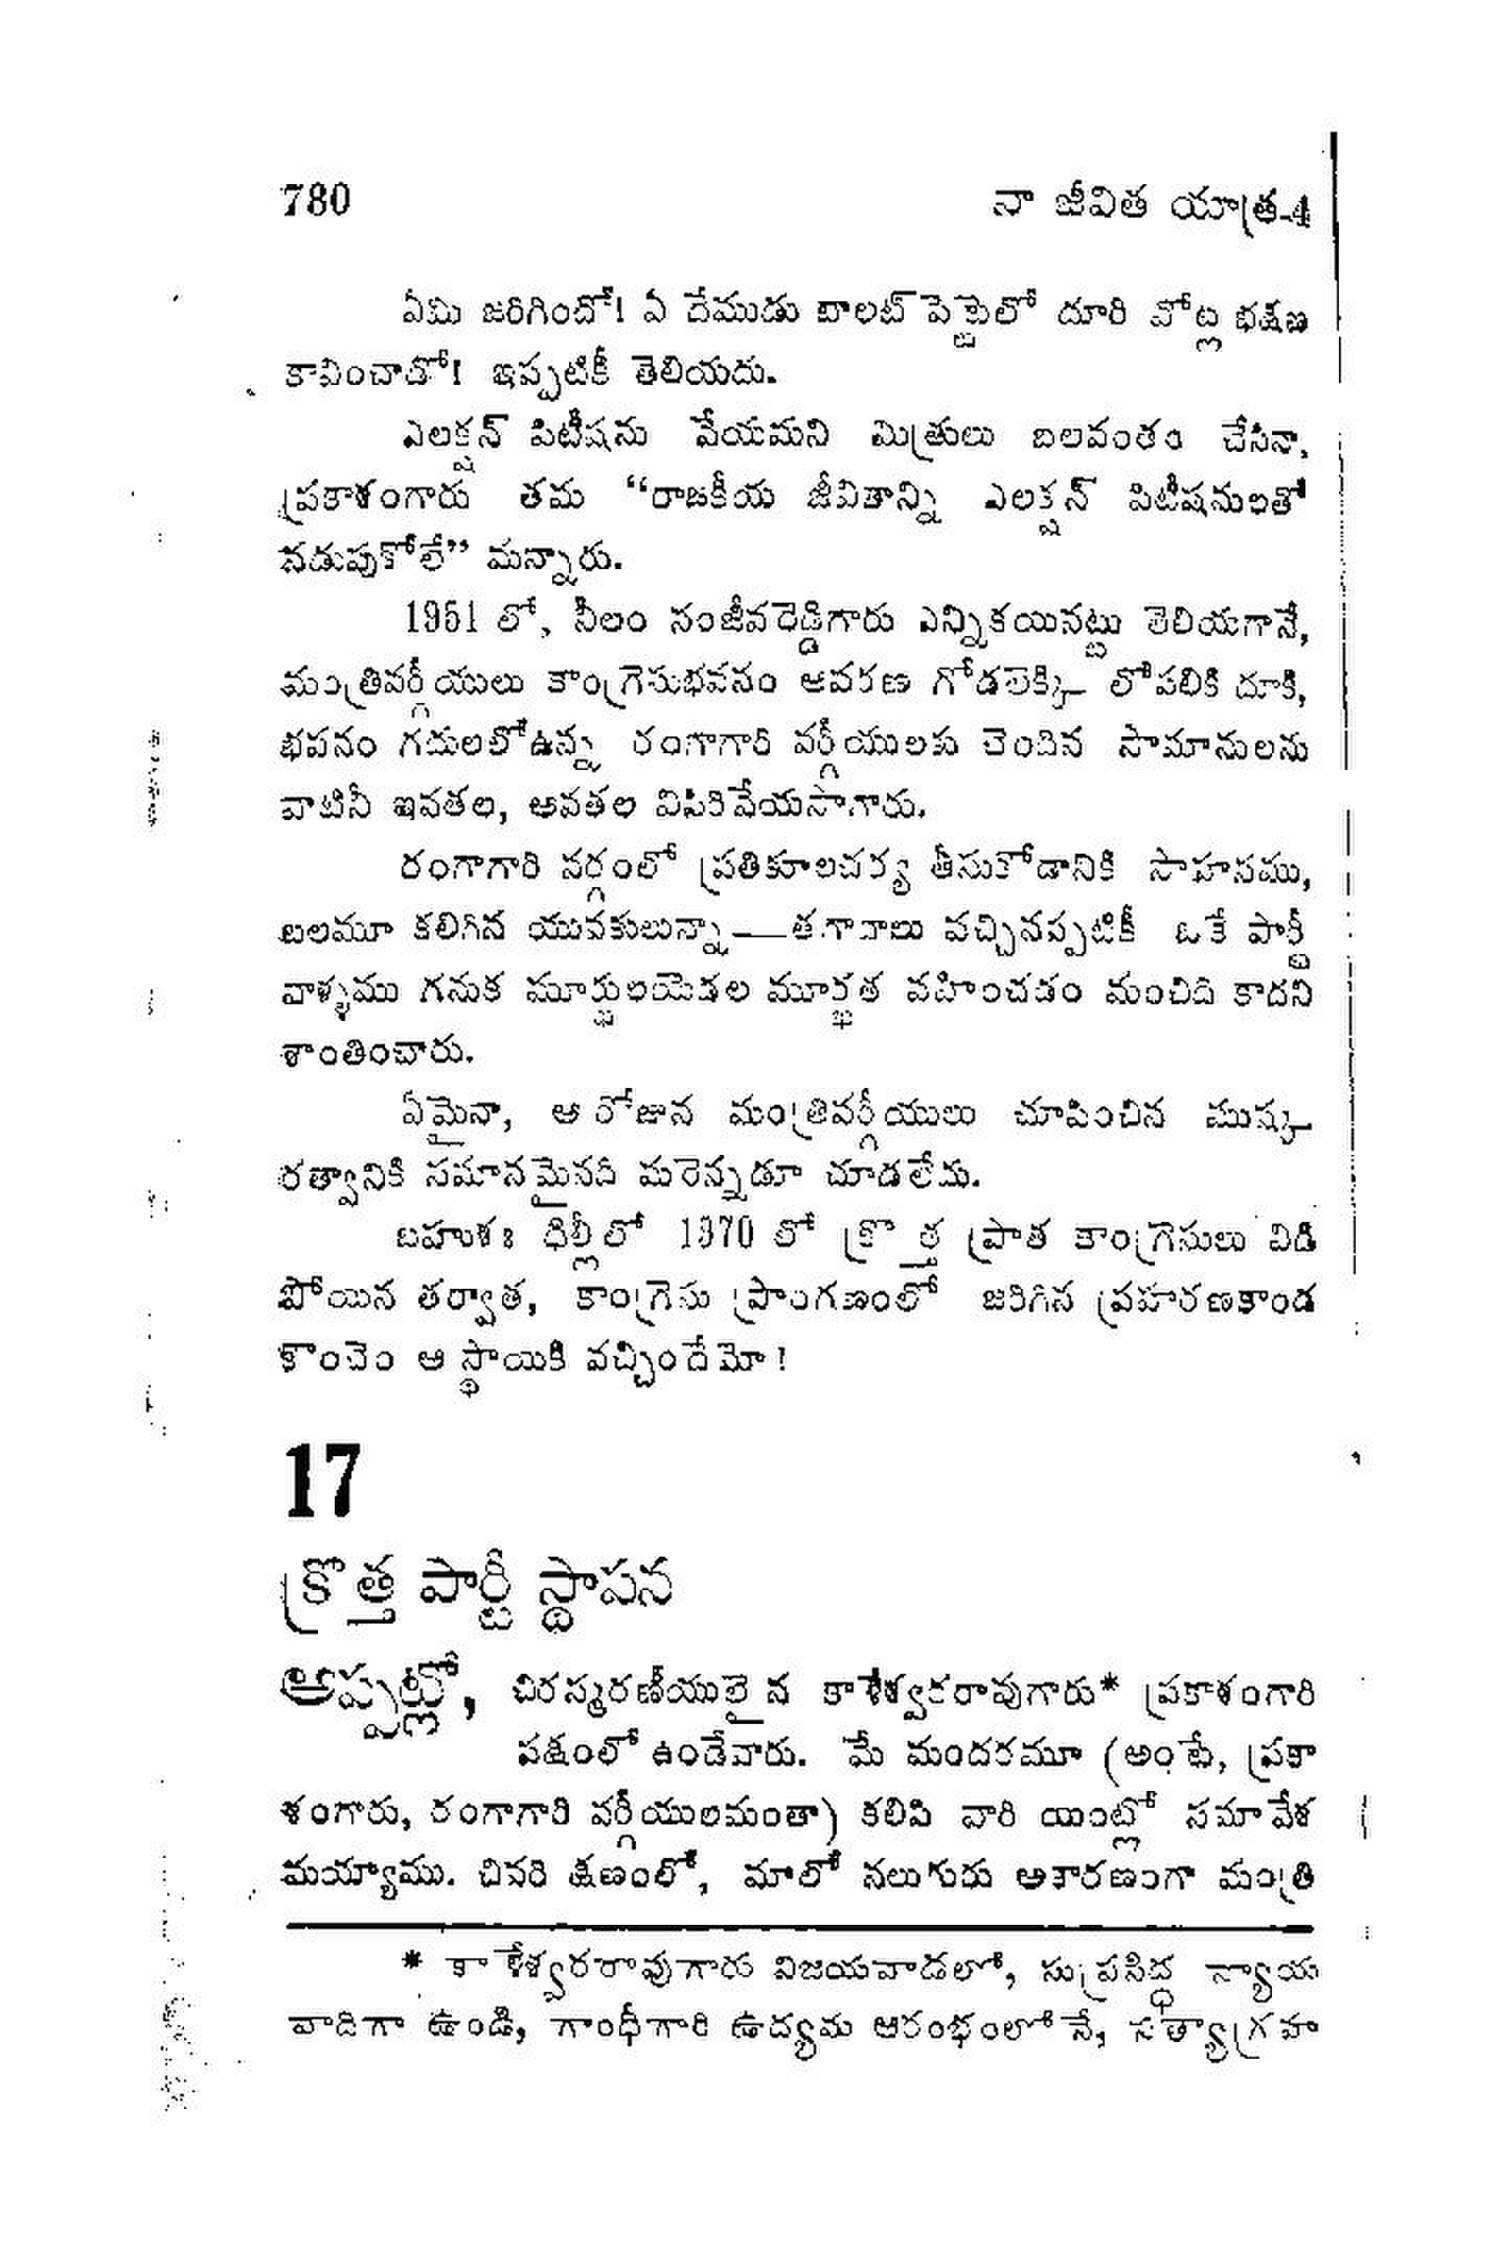ఏమి జరిగిందో! ఏ దేముడు బాలట్ పెట్టెలో దూరి వోట్ల భక్షణ కావించాడో! ఇప్పటికీ తెలియదు.

ఎలక్షన్ పిటీషను వేయమని మిత్రులు బలవంతం చేసినా, ప్రకాశంగారు తమ "రాజకీయ జీవితాన్ని ఎలక్షన్ పిటీషనులతో నడుపుకోలే" మన్నారు.

1951 లో, నీలం సంజీవరెడ్డిగారు ఎన్నికకయినట్టు తెలియగానే, మంత్రివర్గీయులు కాంగ్రెసుభవనం ఆవరణ గోడలెక్కి లోపలికి దూకి, భవనం గదులలోఉన్న రంగాగారి వర్గీయులకు చెందిన సామానులను వాటినీ ఇవతల, అవతల విసిరివేయసాగారు.

రంగాగారి వర్గంలో ప్రతికూలచర్య తీసుకోడానికి సాహసము, బలమూ కలిగిన యువకులున్నా - తగాదాలు వచ్చినప్పటికీ ఒకే పార్టీ వాళ్ళము గనుక మూర్ఖులయెడల మూర్ఖత వహించడం మంచిది కాదని శాంతించారు.

ఏమైనా, ఆ రోజున మంత్రివర్గీయులు చూపించిన ముష్కరత్వానికి సమానమైనది మరెన్నడూ చూడలేదు.

బహుశ: డిల్లీలో 1970 లో క్రొత్త ప్రాత కాంగ్రెసులు విడిపోయిన తర్వాత, కాంగ్రెసు ప్రాంగణంలో జరిగిన ప్రహరణకాండ కొంచెం ఆ స్థాయికి వచ్చిందేమో!

అప్పట్లో, చిరస్మరణీయులైన కాళేశ్వరరావుగారు ప్రకాశంగారి పక్షంలో ఉండేవారు. మే మందరమూ (అంటే, ప్రకాశంగారు, రంగాగారి వర్గీయులమంతా) కలిసి వారి యింట్లో సమావేశమయ్యాము. చివరి క్షణంలో, మాలో నలుగురు అకారణంగా మంత్రి